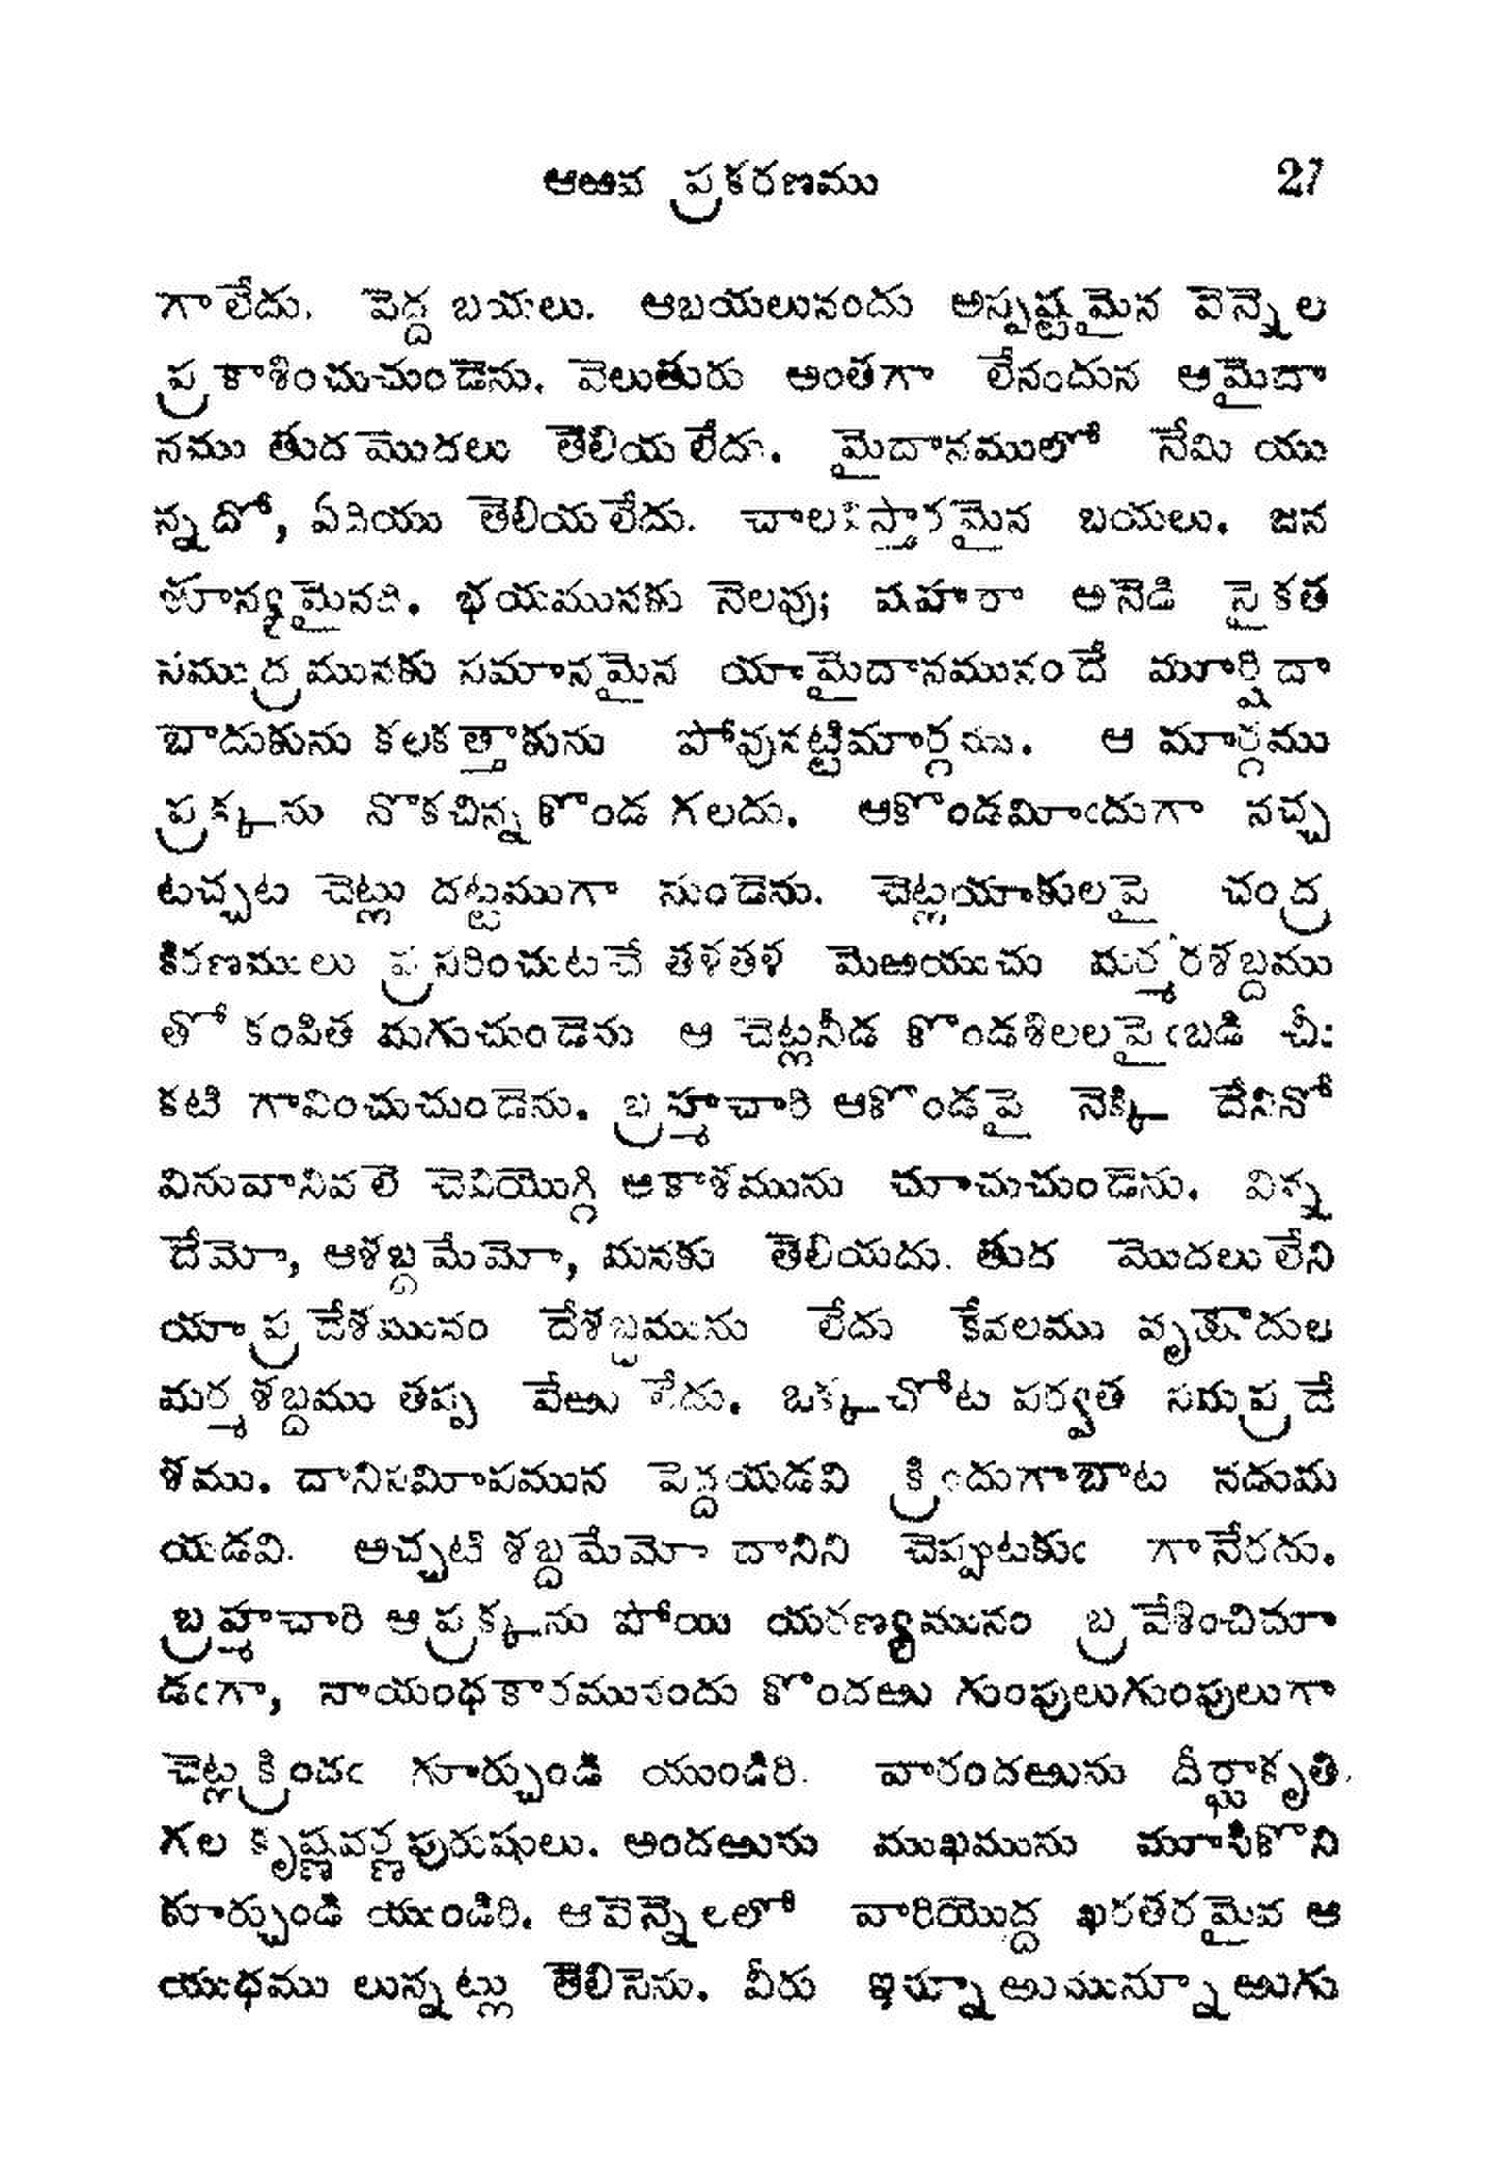గాలేదు. పెద్ద బయలు. ఆబయలునందు అస్పష్టమైన వెన్నెల ప్రకాశించుచుండెను, వెలుతురు అంతగా లేనందున ఆ మైదానము తుద మొదలు తెలియ లేదు. మైదానములో నేమి యున్నదో, ఏదియు తెలియలేదు. చాల విస్తారమైన బయలు. జన శూన్యమైనది. భయమునకు నెలవు; షహరా అనెడి సైకత సముద్రమునకు సమానమైన యా మైదానమునందే మూర్షిదాబాదుకును కలకత్తాకును పోవునట్టిమార్గము. ఆ మార్గము ప్రక్కను నొక చిన్న కొండ గలదు. ఆకొండమీఁదుగా నచ్చ టచ్చట చెట్లు దట్టముగా నుండెను. చెట్లయాకులపై చంద్ర కిరణములు ప్రసరించుటచే తళతళ మెఱయుచు మర్మరశబ్దముతో కంపిత మగుచుండెను ఆ చెట్లనీడ కొండశిలలపైఁబడి చీఁకటి గావించుచుండెను. బ్రహ్మచారి ఆకొండపై నెక్కి దేనినో వినువానివలే చెవియొగ్గి ఆకాశమును చూచుచుండెను. విన్నదేమో, ఆశబ్ద మేమో, మనకు తెలియదు. తుద మొదలు లేని యాప్ర దేశమునం దేశబ్దమును లేదు. కేవలము వృక్షాదుల
మర్మ శబ్దము తప్ప వేఱు లేదు. ఒక్క చోట పర్వత సమప్రదేశము. దానిసమీపమున పెద్దయడవి క్రిందుగా బాట నడుమ యడవి. అచ్చటి శబ్ద మేమో దానిని చెప్పుటకుఁ గానేరదు. బ్రహచారి ఆ ప్రక్కను పోయి యరణ్యమునం బ్రవేశించిచూడఁగా, నాయంధ కారమునందు గొందఱు గుంపులు గుంపులుగా చెట్ల క్రిందఁ గూర్చుండి యుండిరి. వారందఱును దీర్ఘాకృతి గల కృష్ణవర్ణ పురుషులు. అందఱును ముఖమును మూసికొని కూర్చుండి యుండిరి. ఆ వెన్నెలలో వారియొద్ద ఖరతరమైన ఆయుధము లున్నట్లు తెలిసెను. వీరు ఇన్నూఱుమున్నూఱుగు